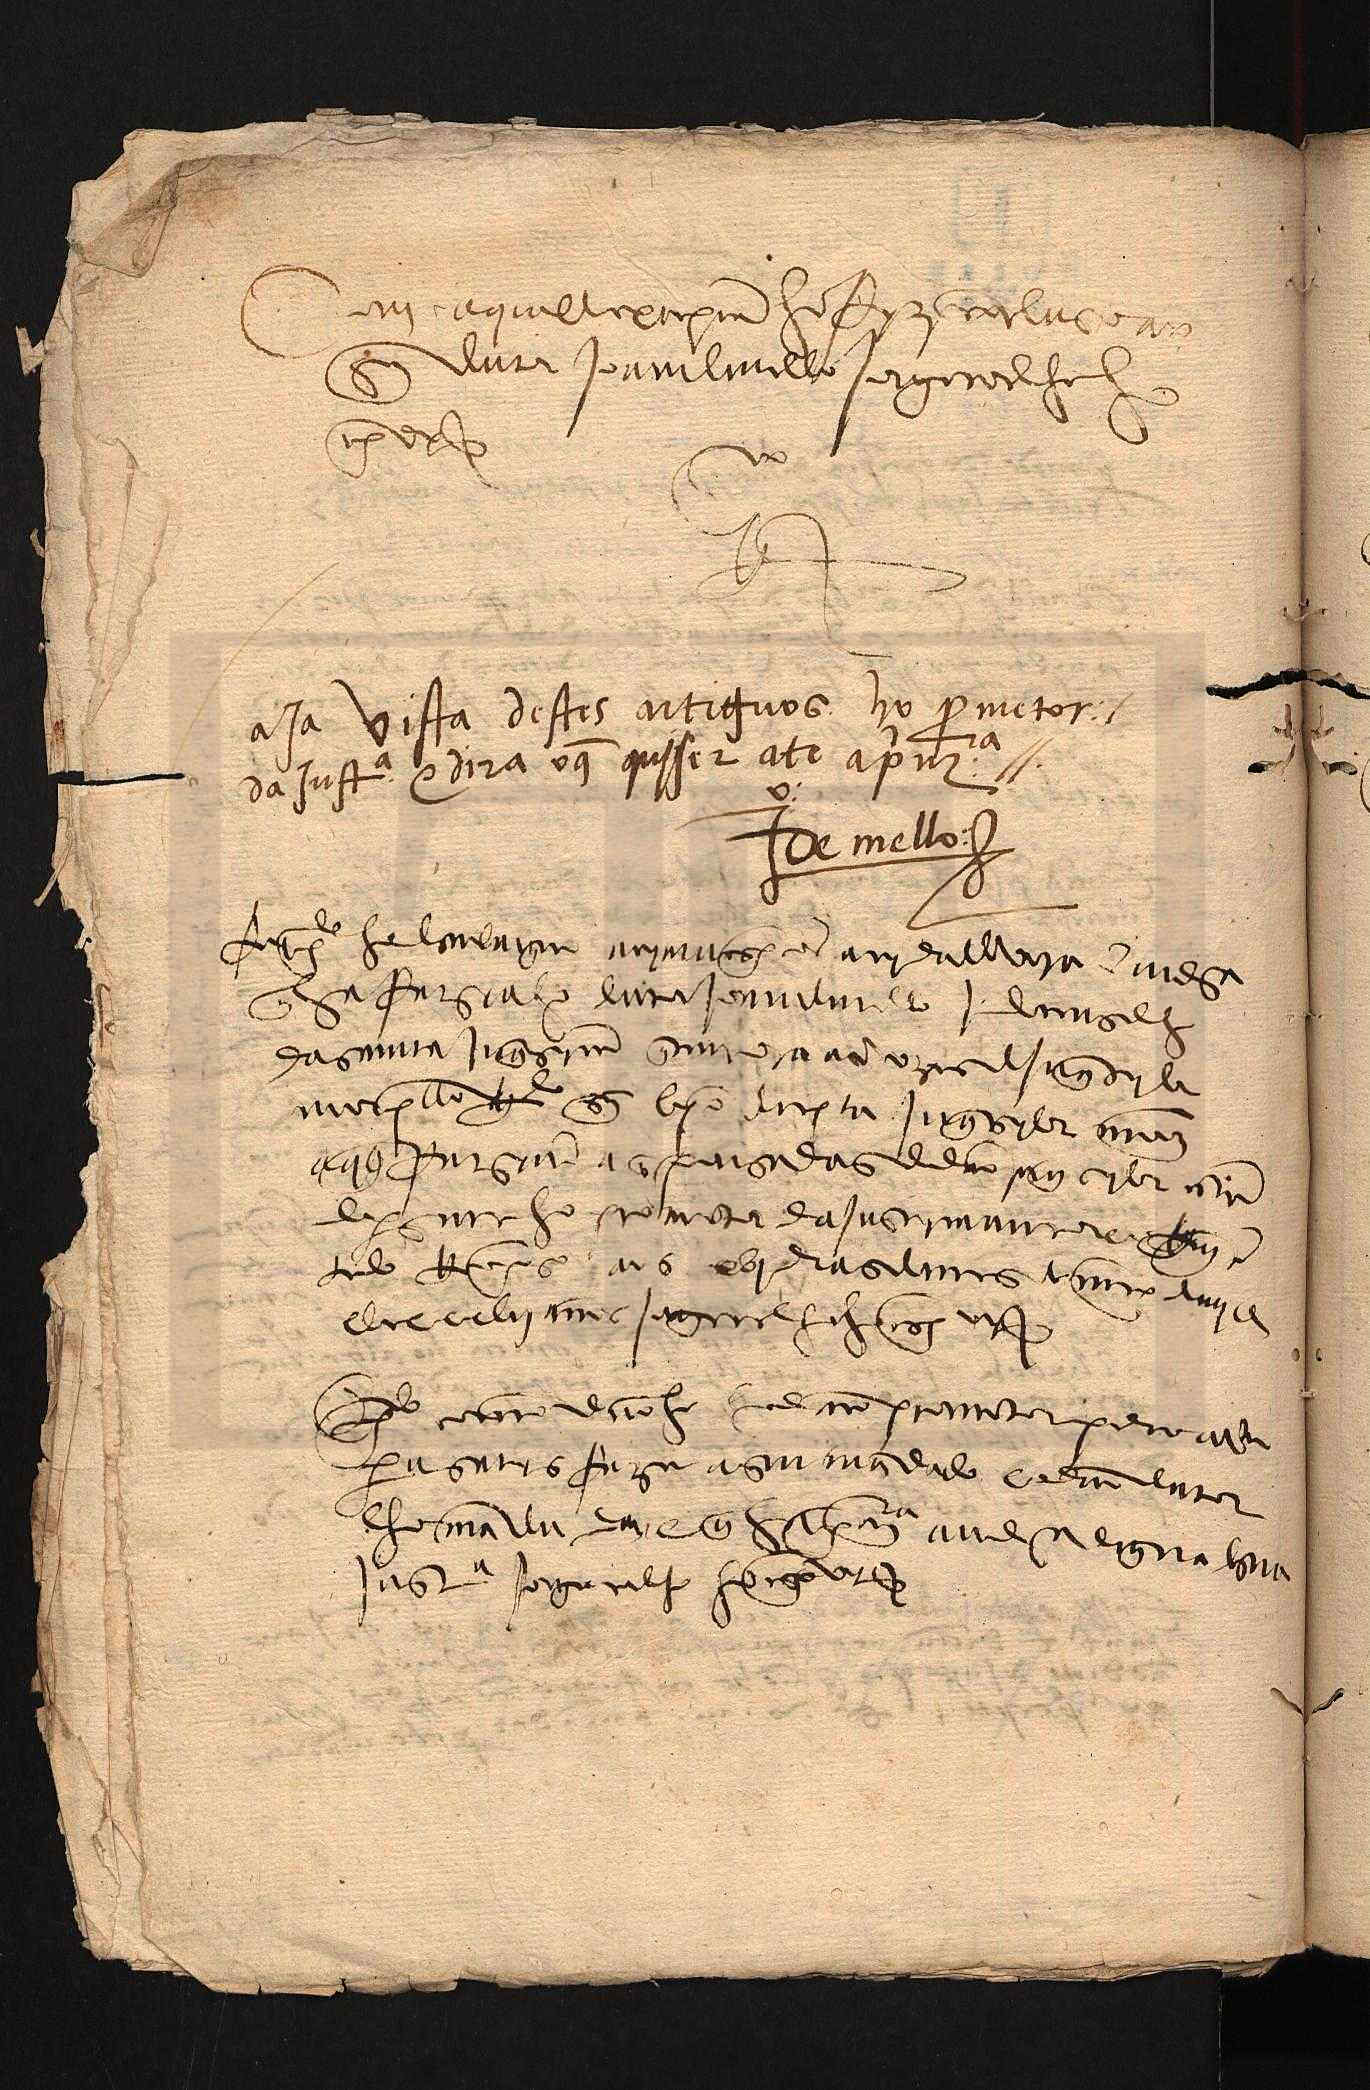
Com a quall excepçā ho fyz c̄ocluso ao
s̄or doutor Joam de mello Jorge coelho ho
sp̄vy
Co
aJa vista destes artiguos ho ꝓmetor /
da Justa e dira o q̄ qujser ate a pimra //.
Jo de mello
foy pdo ho desenbarguo acyma esp̄to ē a cydade devora ē audja
q̄ hi fazya ho doutor Joam de mello J. do conselho
da samta Jnq̄syçā q̄ tem ora as vezes de Jnq̄sydor
mor p̄llo Rdo s̄r bpō de cepta Jnq̄sydor moor
a q̄ll fazya ē as pousadas do dito jnq̄sydor estā
do ꝑsente ho promotor da Justyça autor e o Req̄rē
te do Reo p̄so aos xbj dias do mes de m̄ço de mjll
e bc xxxbij anos Jorge coelho ho esp̄vy
po corro de c̄o ho n̄o promotor pero ao
ꝑa satisfazer a seu mādado e dto doutor
lho mādou ca e q̄ he ma audja degua de seu
Justa Jorge coelho ho esp̄vy
